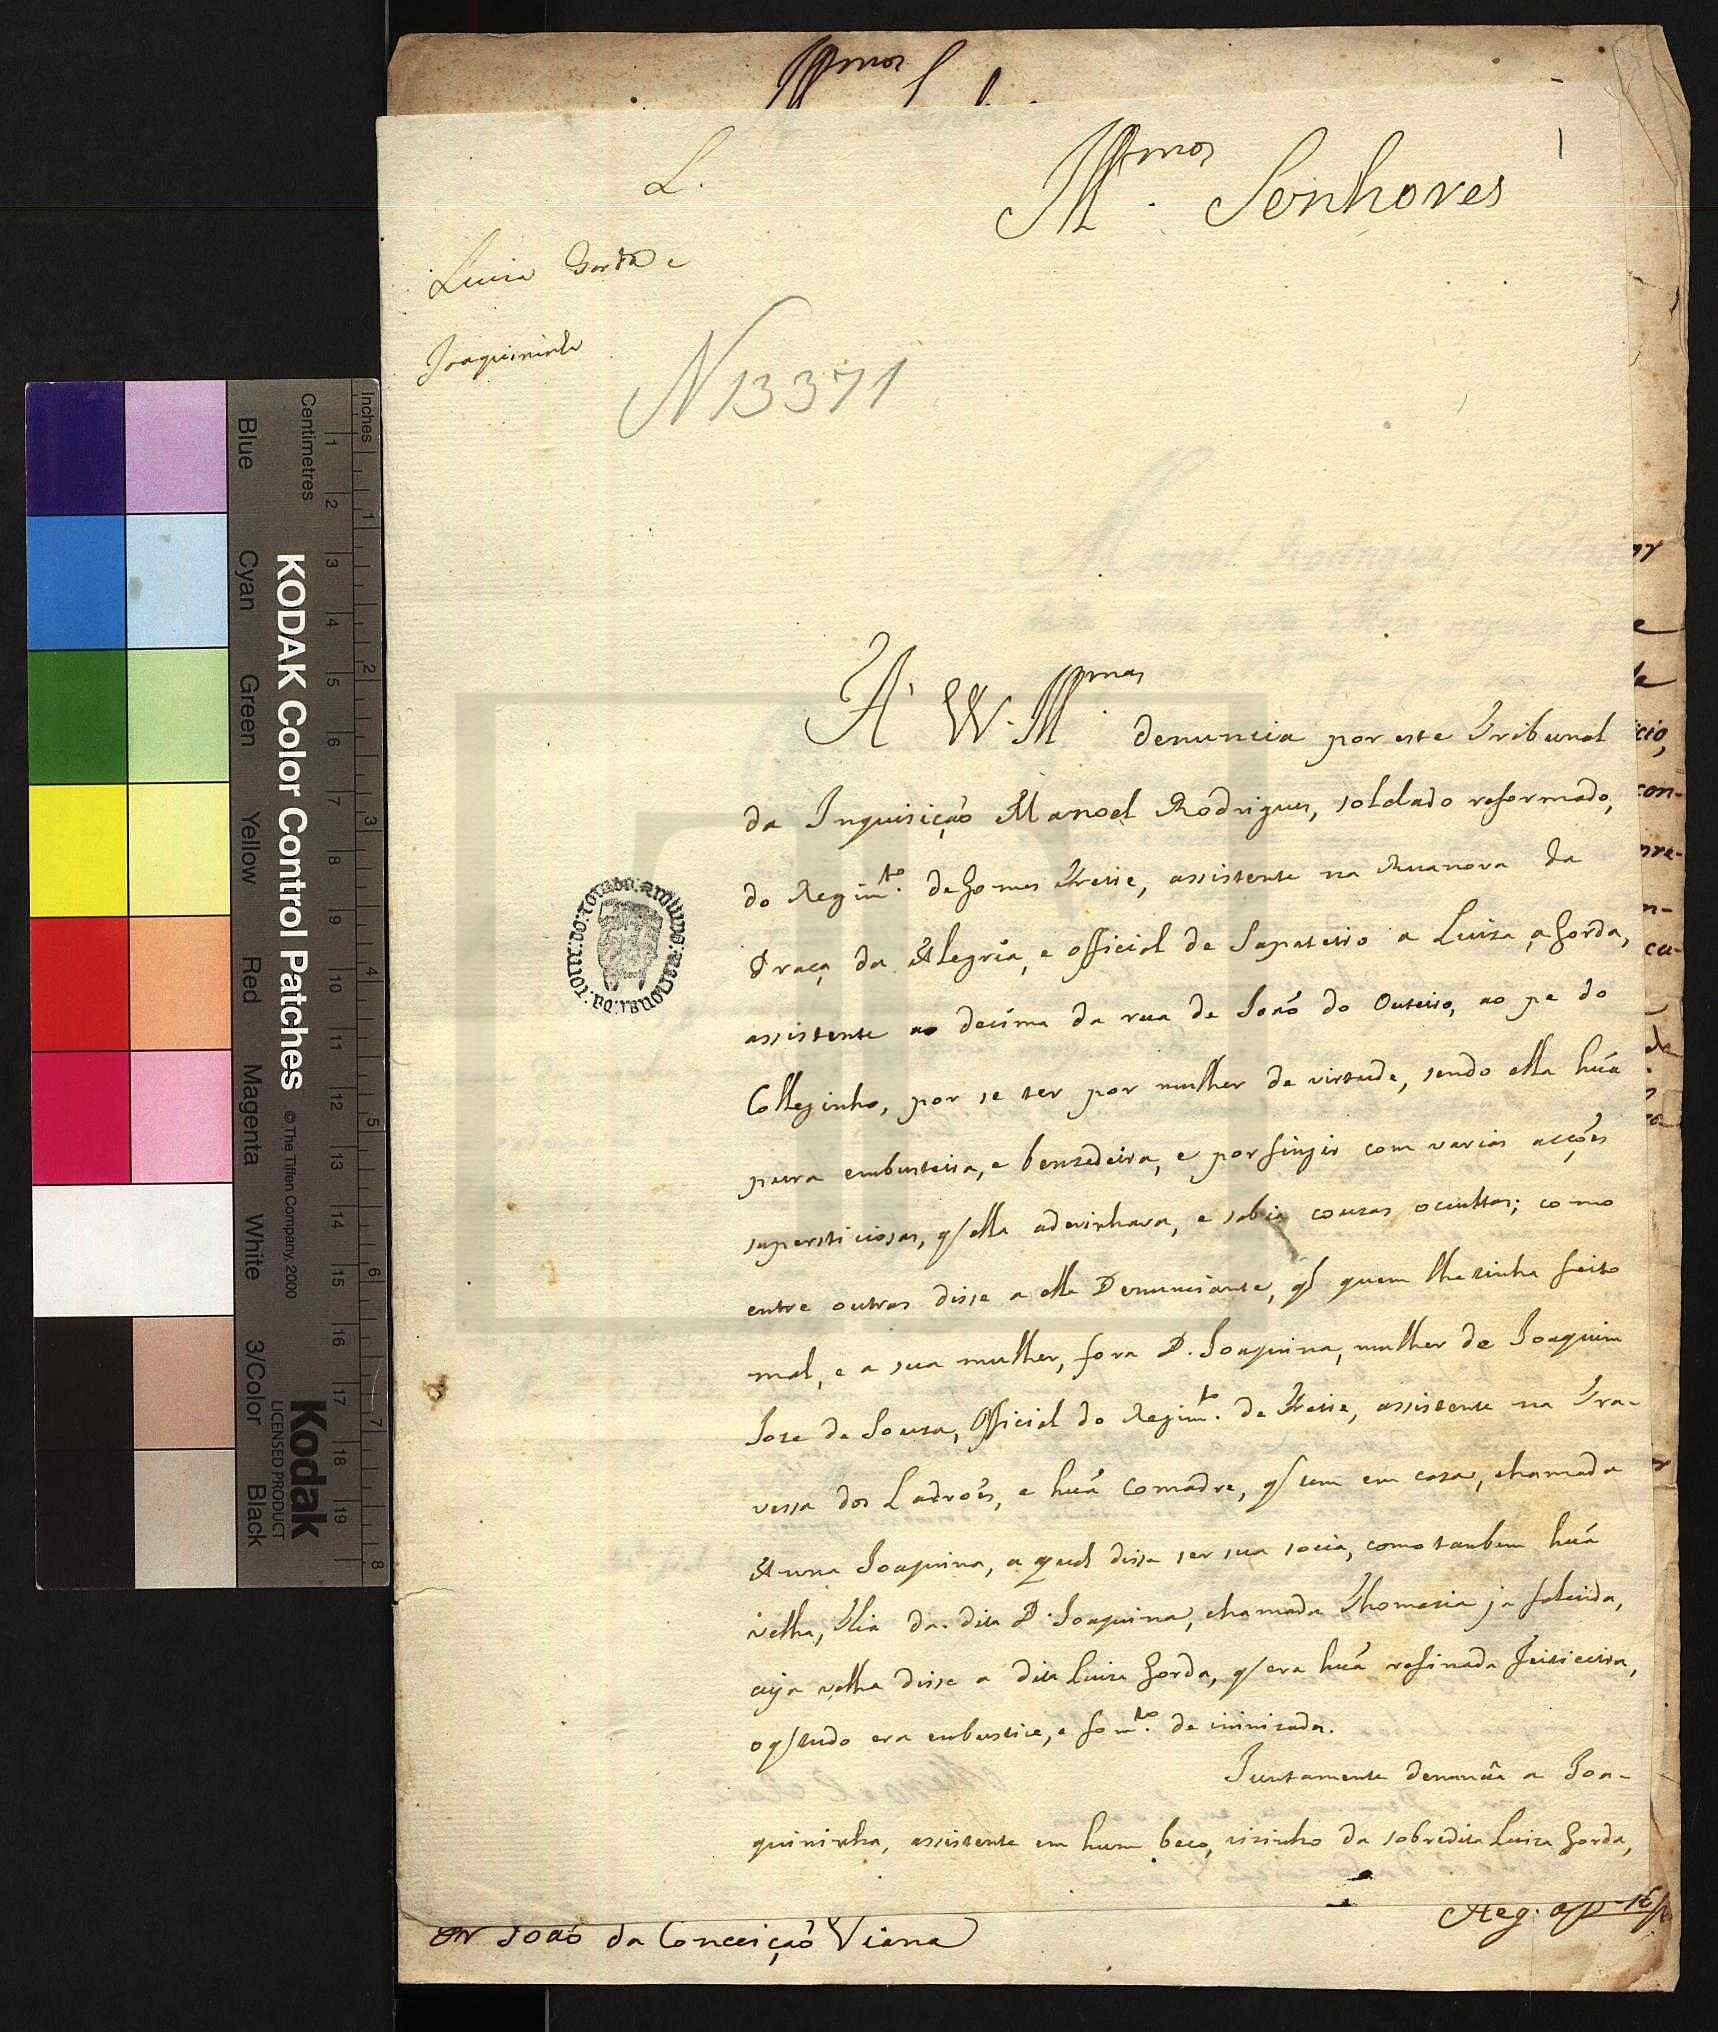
L.
Ill.mos Senhores
Luiza Gorda e
Joaquininha
A VV. Ill.mas denuncia por este Tribunal
da Inquisiçaõ Manoel Rodrigues, soLdado reformado,
do Regim.to de Gomes Freire, assistente na Rua nova da
Praça da Alegria, e officiaL de Sapateiro a Luiza, a Gorda,
assistente ao decimo da rua de Ioaõ do Outeiro, ao pe do
Colleginho, por se ser por mulher de virtude, sendo ella hūa
pura embusteira, e benzedeira, e por fingir com varias acções
supersticiosas, q̄ ella adevinhava, e sabia couzas occultas; como
entre outras disse a elle Denunciante, q̄ quem lhe tinha feito
mal, e a sua mulher, fora D. Ioaquina, mulher de Ioaquim
Ioze de Souza, Official do Regim.to de Freire, assistente na Tra
versa dos Ladroẽs, e huā comadre, q̄ tem em caza, chamada
Anna Ioaquina, a qual disse ser sua socia, como tambem huā
velha, Thia da dita D. Ioaquina, chamada Thomazia ja faLecida,
cuja velha disse a dita Luiza Gorda, q̄ era huā refinada feiticeira,
o q̄ sendo era enbustice, e som.te de inimizade.
Iuntamente denuncia a Ioa
quininha, assistente em hum beco, vizinho da sobredita Luiza Gorda,
Ioaõ da Conceiçaõ Viana
